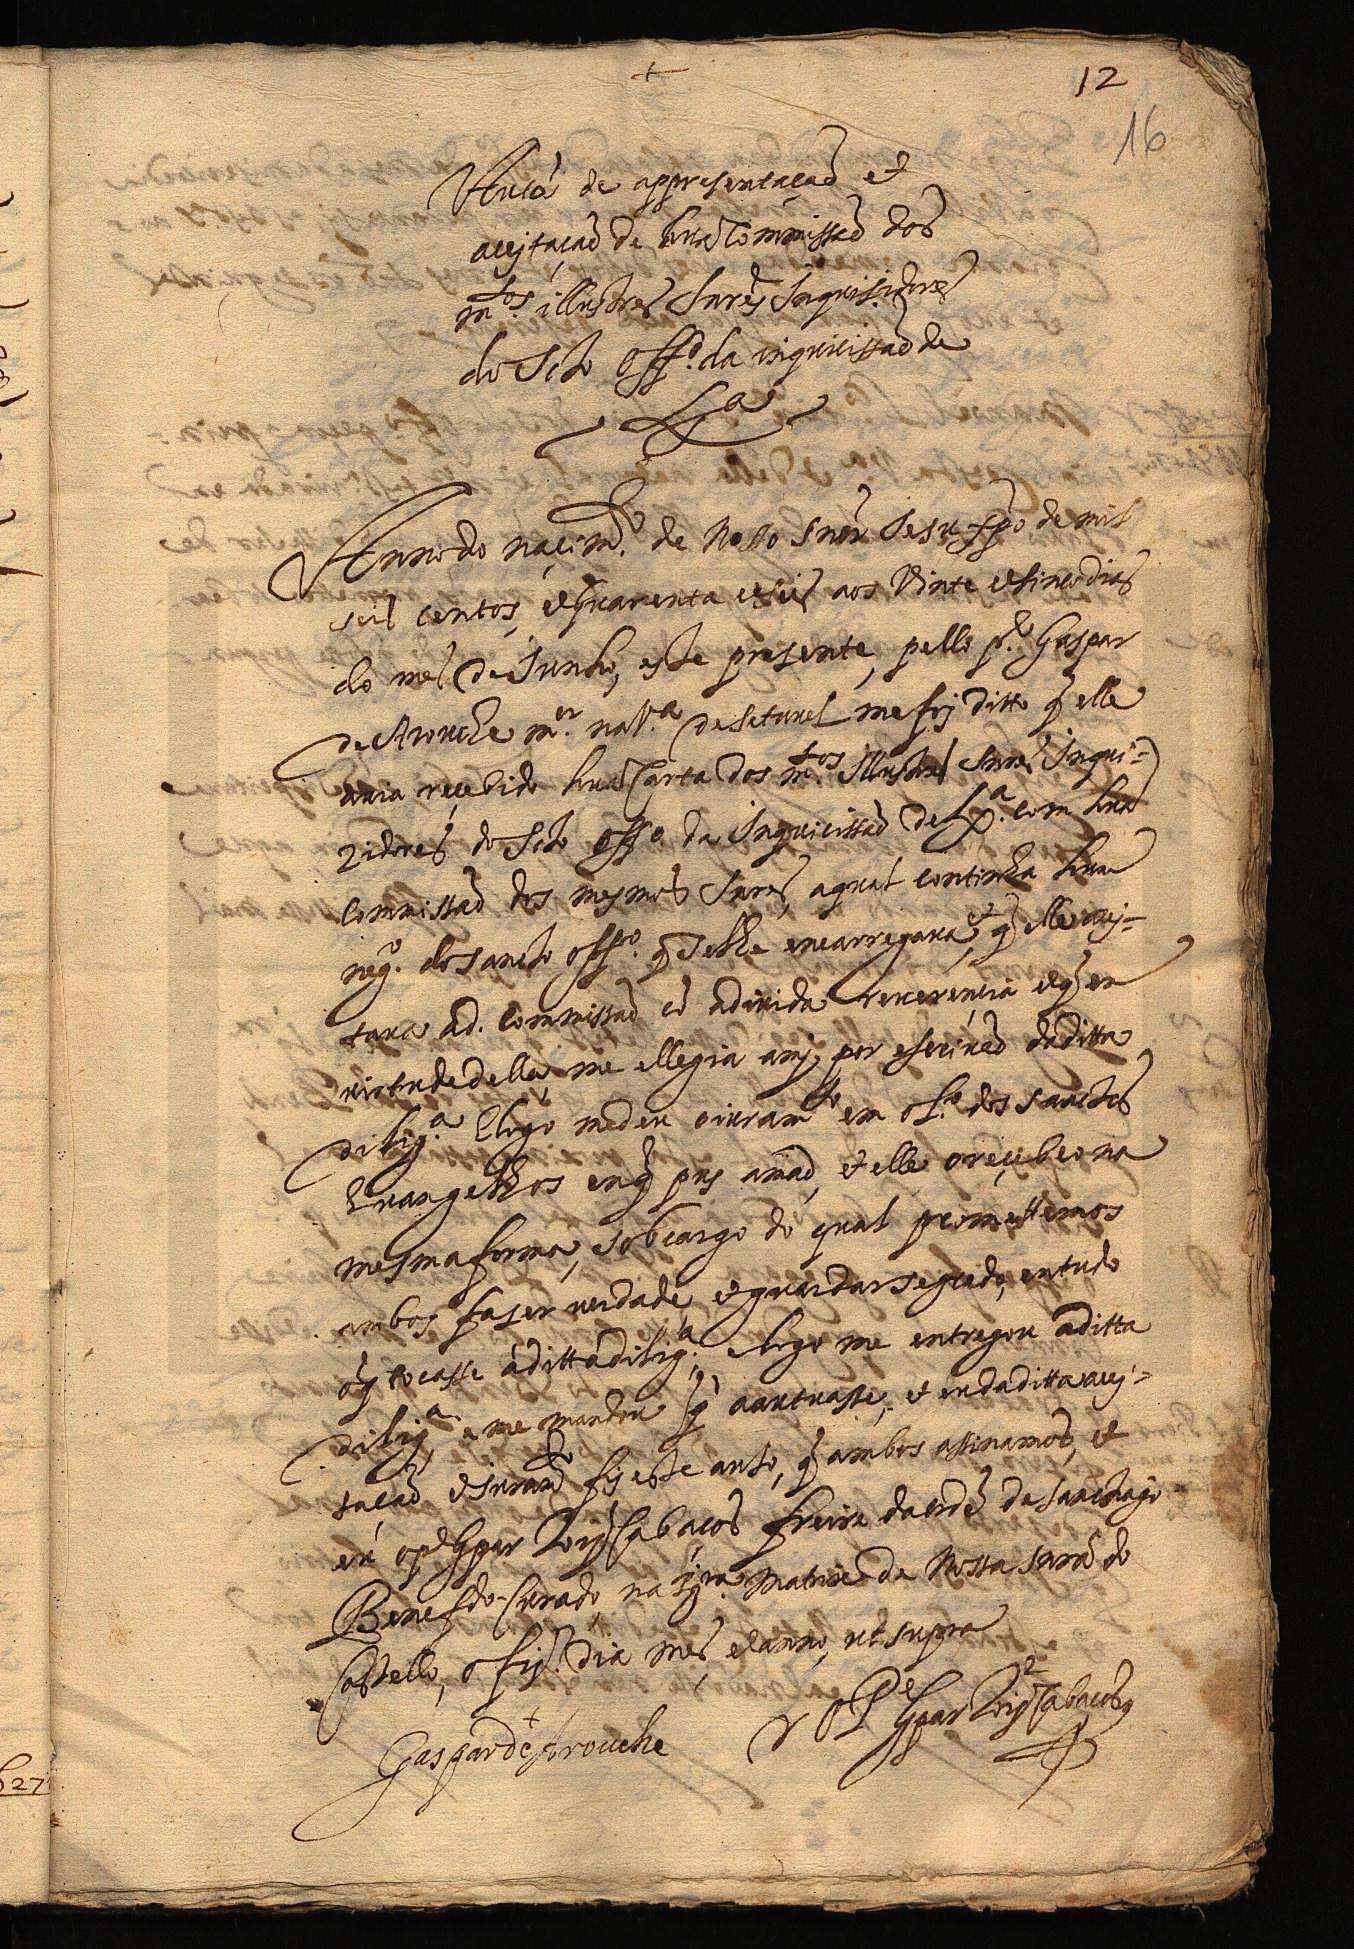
12
Autos de appresentaçaõ &
acejtaçaõ de huā commissaõ dos
mtos. illustres Snres̄ Inquisidores
do Scto offo. da inquicissaõ de
Lxa
Anno do nacim.to de nosso snor̄ Iesu xp̄o de mil
seiscentos, e quarenta e seis aos Vinte e sinco dias
do mes de Iunho, este prezente, pello p.e Gaspar
de Arouche m.or na V.a de setuuel me foj ditto q̄ elle
auia recebido huā Carta dos m.tos Illustres Snres̄ Inqui
zidores do Sc̄to offo da Inquicissaõ de Lx.a com huā
commissaõ dos mesmos Snres̄, a qual continha huū
neg.o do Sancto offo. q̄ se lhe encarregaua, & q̄ elle acej
taua a d. commissaõ cō a diuida e reuerencia e q̄ en
uirtude della me ellegia a mj por escriuaõ da ditta
dilig.a E logo me deu o iuramto em o L.o dos sanctos
Euangelhos en q̄ pus a maõ, & elle o recebeo na
mesma forma, sob cargo do qual promettemos
ambos fazer uerdade & guardar segredo, en tudo
o q̄ tocasse à ditta diliga; e logo me entregou a ditta
diliga, e me mandou q̄ a autuasse, e eu da ditta acej
taçaõ e iuramto fis este auto, q̄ ambos assinamos, &
eu o pe Gpar Roiz̄ Cabaços freire da ordē de sanctiago
Benefdo. Curado na igra. matrix de Nossa snrā do
Castello, o fiz dia mes e anno, ut supra
o Pe Gpar Roiz̄ Cabaços
Gaspar de Arouche
